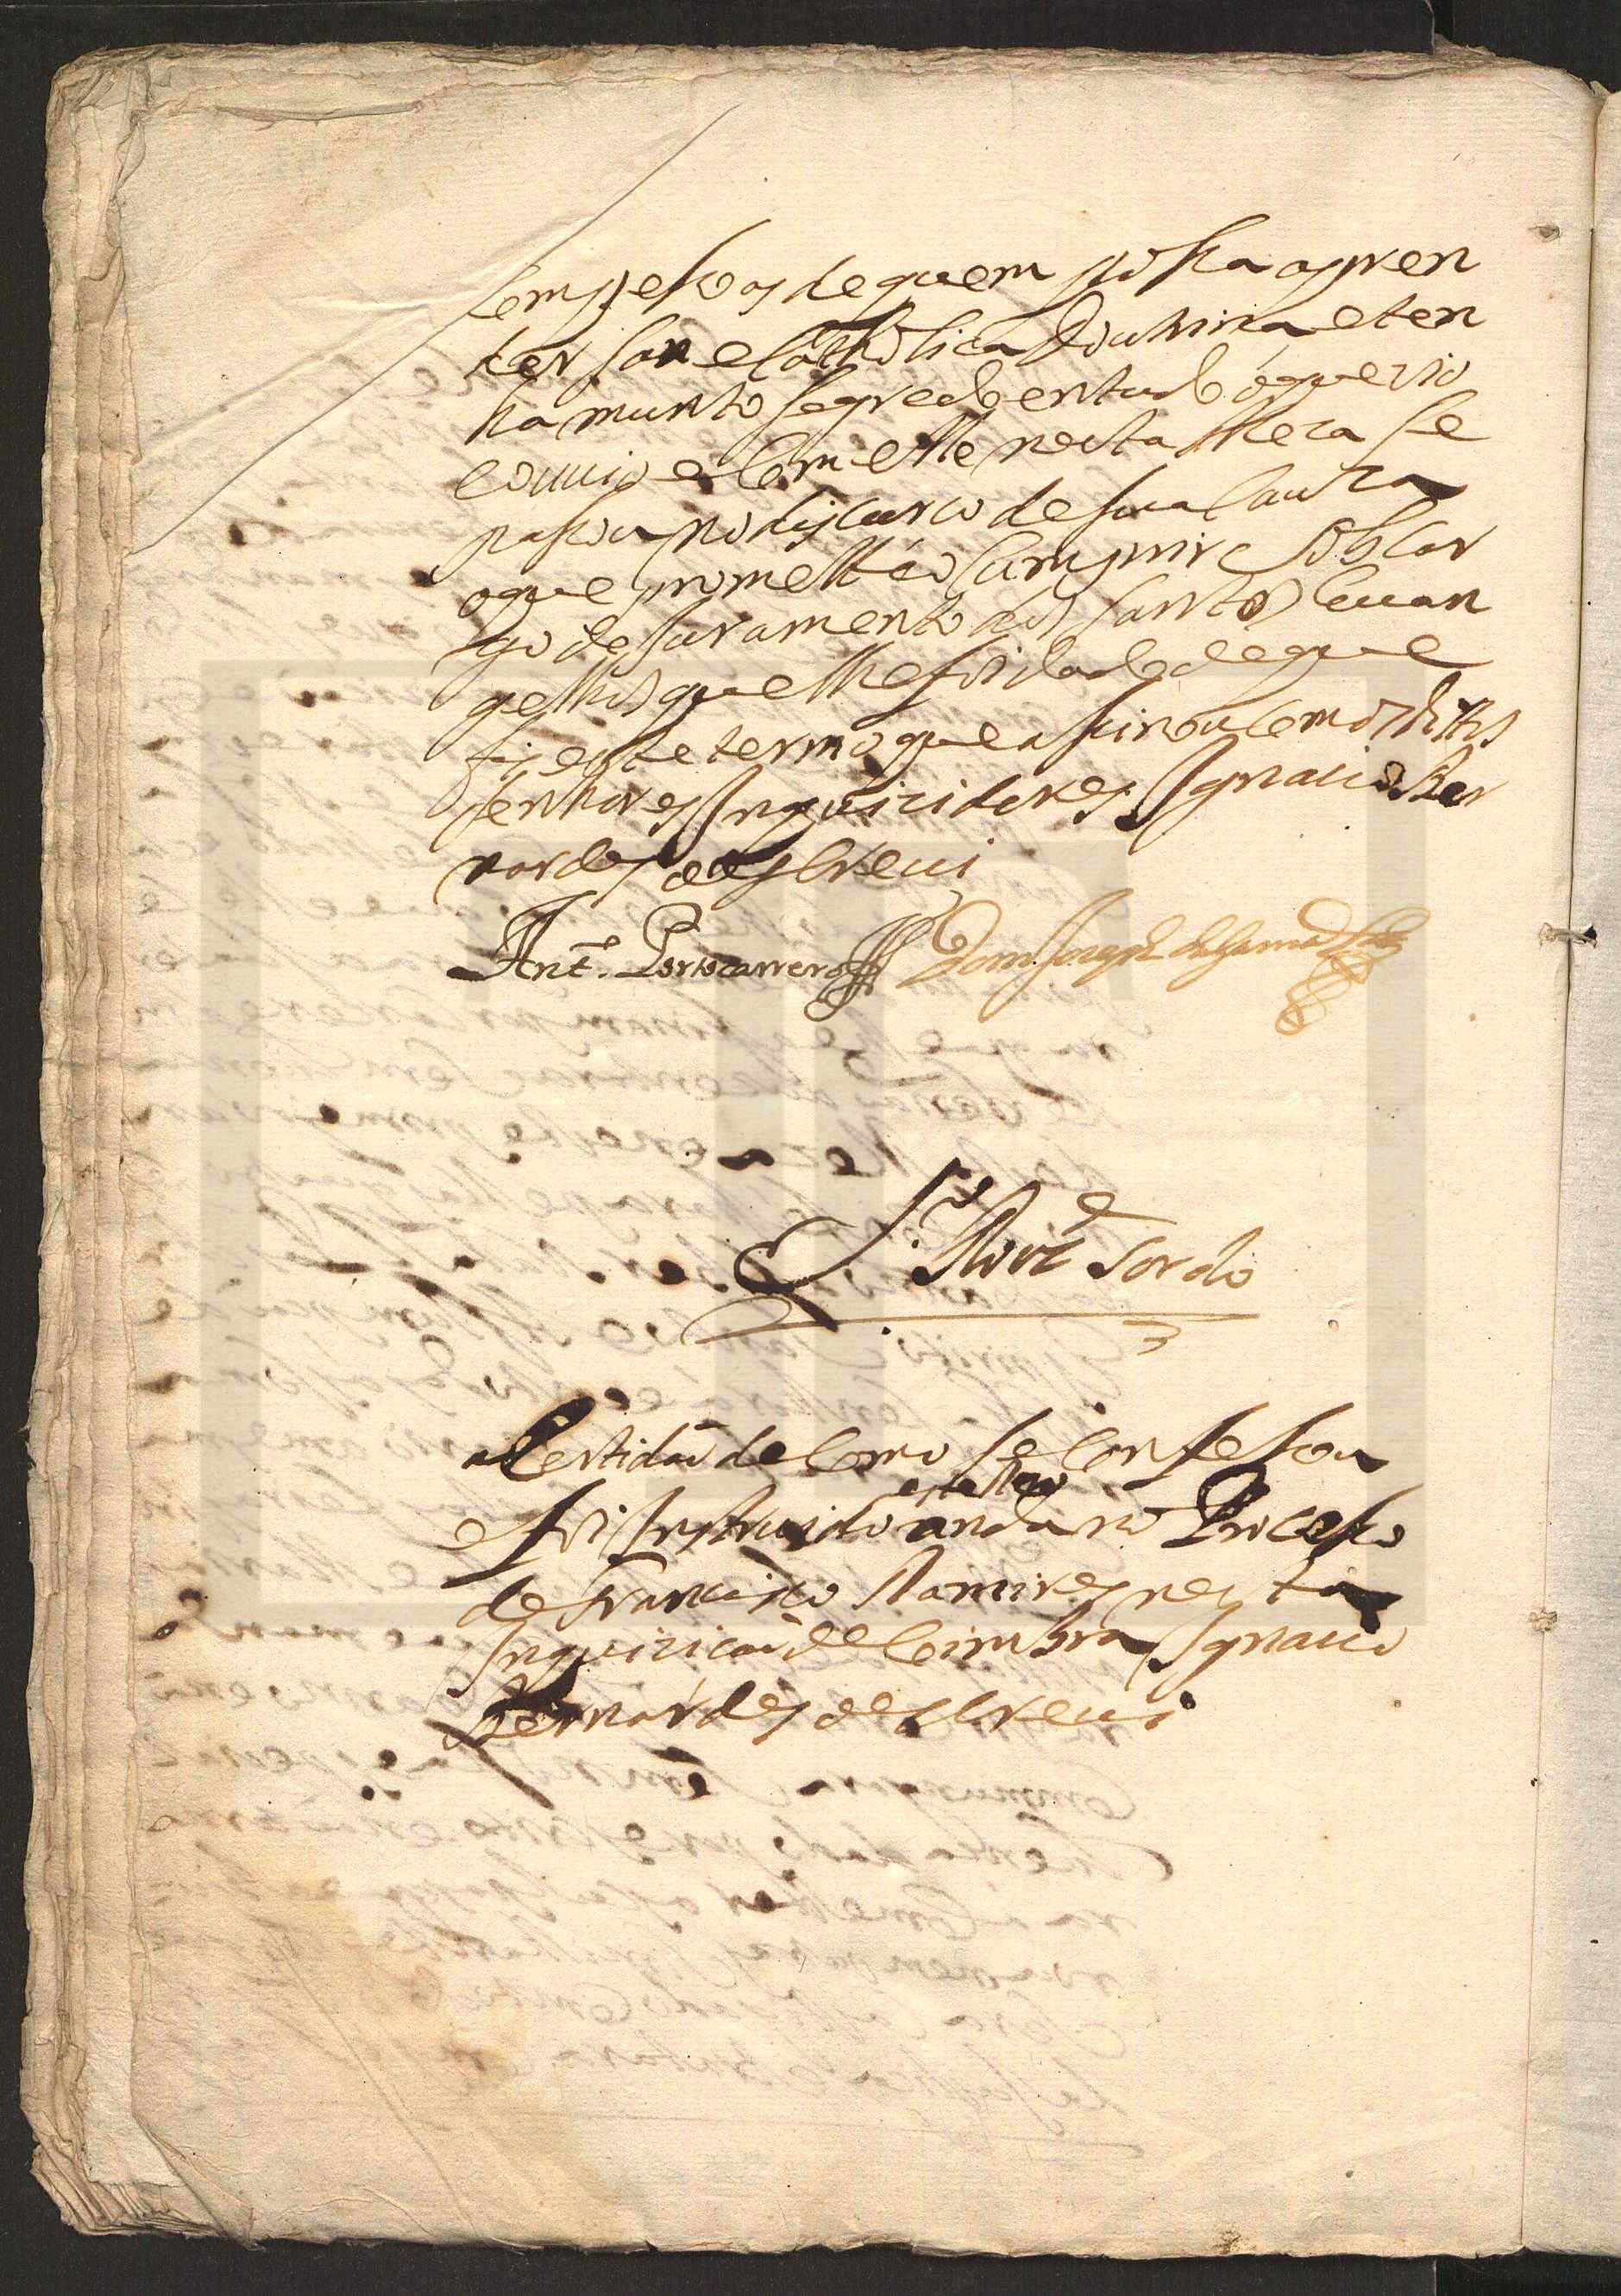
Com pesoas de quem possa apren
der san e Catholica Doutrina e ten
ha munto segredo en tudo o que vio
e ouuio e Com elle nesta Meza se
passou no discurço de sua Cauza
o que prometteo Cumprir Sob Car
go do Juramento dos santos Euan
gelhos que lhe foi dado de que
fis este termo que assinou com os dittos
senhores Jnquizidores Jgnacio Ber
nardes o escreui
Ant.o Portocarrero
Dom Jozeph da Gama
I.o. Roiz̄ Sordo
a Certidaõ de Como se confessou
este Reo
e foi Jnstruido anda no Processo
de Francisco Ramires nesta
Jnquiziçaõ de Coimbra Jgnacio
Bernardes o escreui
